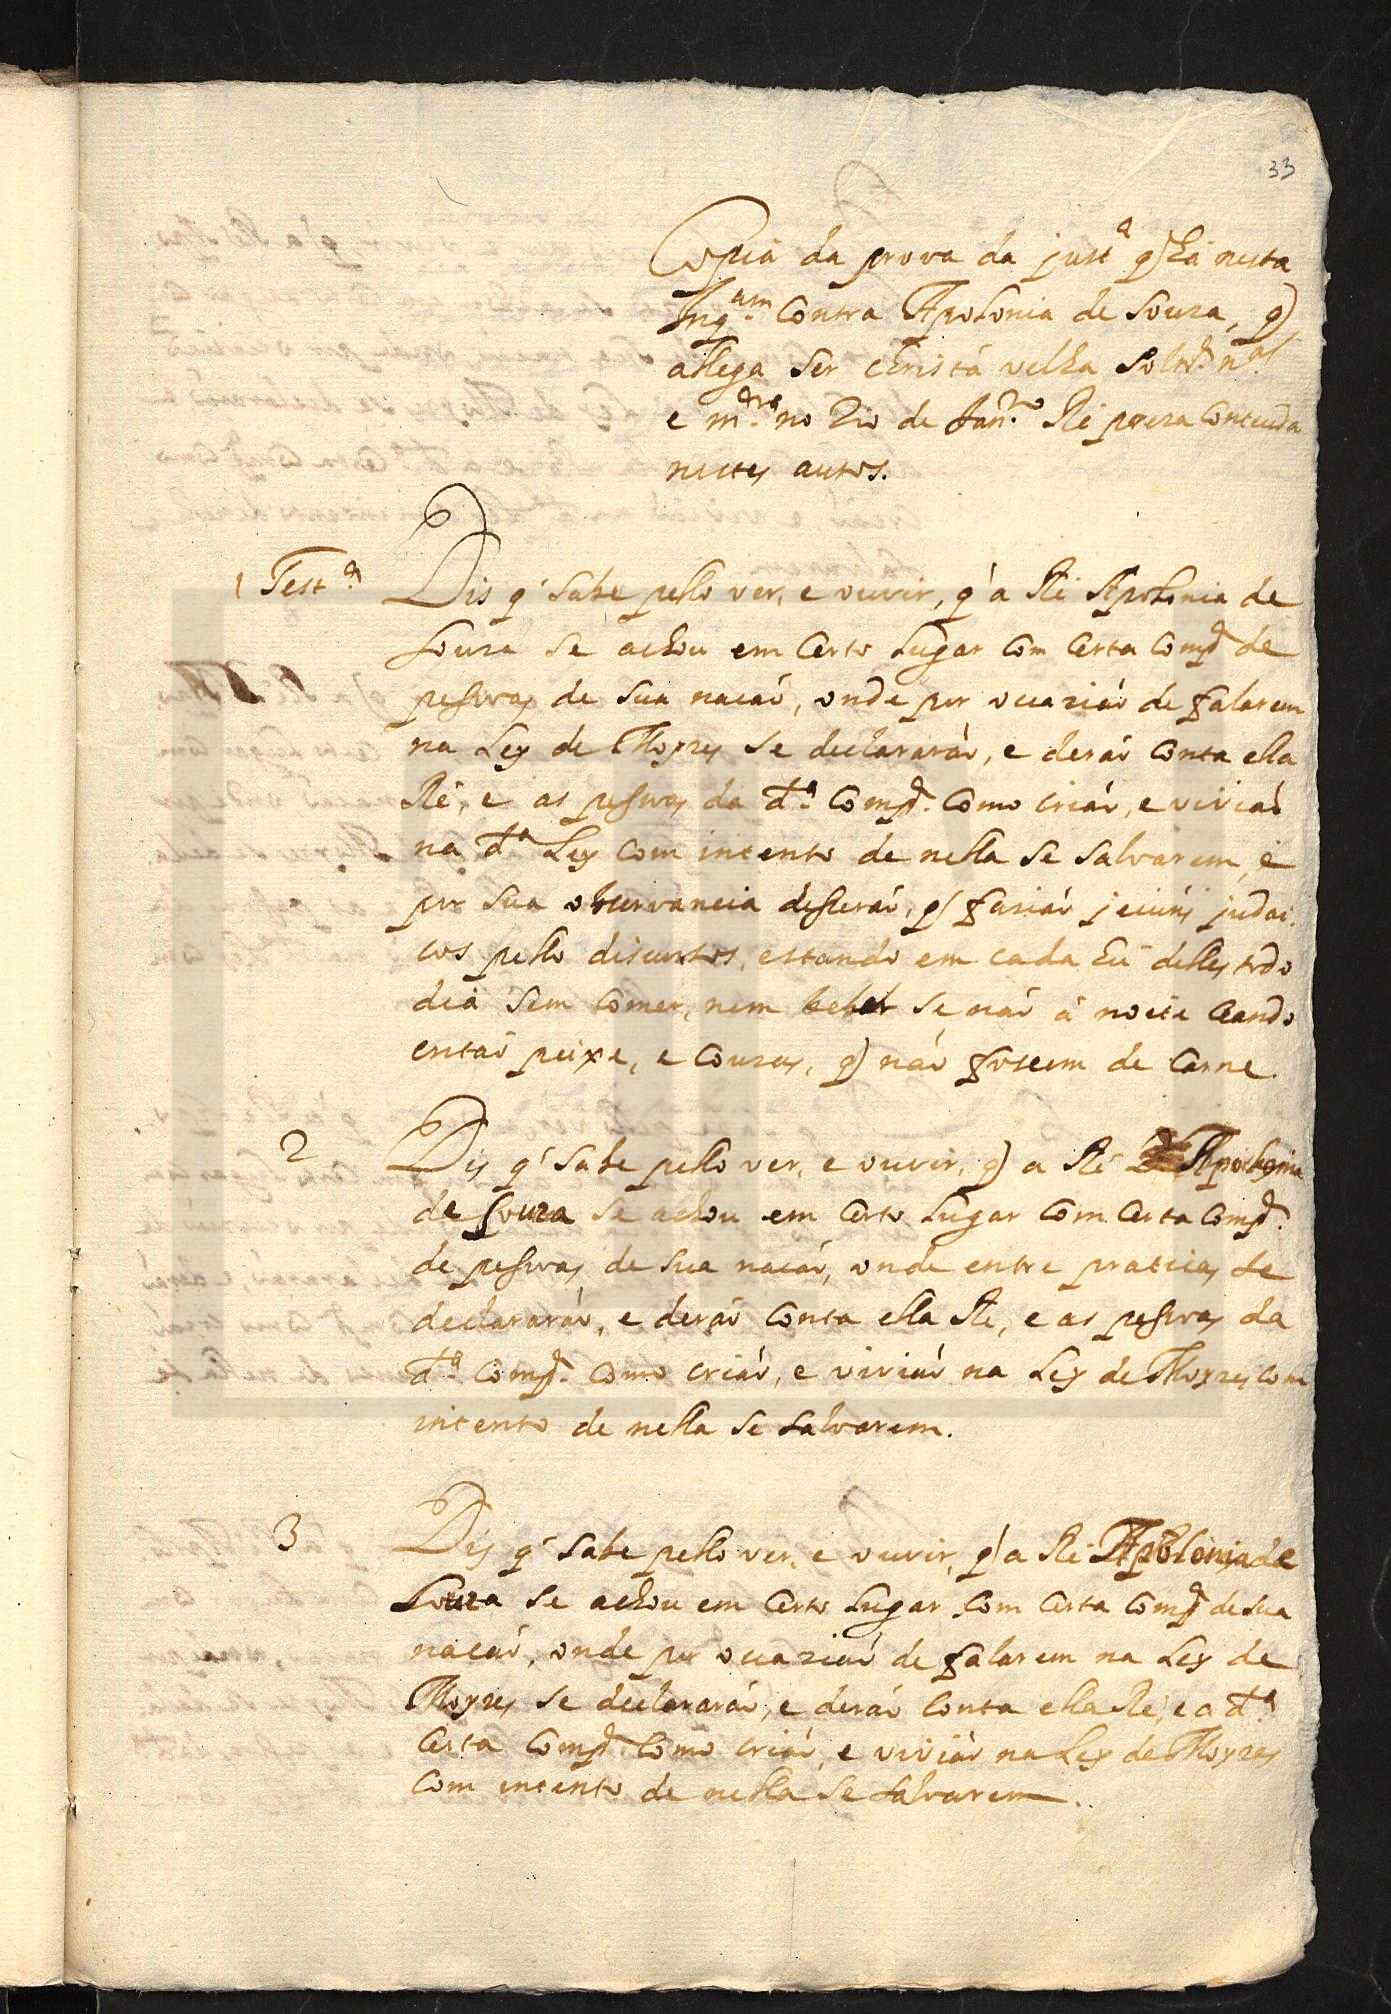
Copia da prova da justa q̄ há nesta
Inq.am contra Apolonia de Souza, q̄
allega ser christã velha soltr.a n.al
e m.ora no Rio de Ian.ro Ré preza conteuda
nestes autos.
1 Test.a Dis q̄ sabe pello ver, e ouvir, q̄ a Ré Apolonia de
souza se achou em certo Lugar com certa compa de
pessoas de sua naçaõ, onde por occaziaõ de falarem
na Ley de Moyzes se declararaõ, e deraõ conta ella
Ré, e as pessoas da d̄a comp.a como criaõ, e viviaõ
na d̄a Ley com intento de nella se salvarem, e
por sua observancia disseraõ, q̄ faziaõ jeiuns̄ judai
cos pello discursos, estando em cada hū delles todo
dia sem comer, nem beber senaõ á noite ceando
entaõ peixe, e couzas, q̄ naõ fossem de carne.
2
Dis q̄ sabe pello ver, e ouvir, q̄ a Ré _ Apolonia
de souza se achou em certo Lugar com certa comp.a
de pessoas de sua naçaõ, onde entre praticas se
declararaõ, e deraõ conta ella Ré, e as pessoas da
d̄a. comp.a como criaõ, e viviaõ na Ley de Moyzes com
intento de nella se salvarem.
Dis q̄ sabe pello ver, e ouvir, q̄ a Re Apolonia de
Souza se achou em certo Lugar, com certa compa de sua
naçaõ, onde por occaziaõ de falarem na Ley de
Moyzes se declararaõ, e derão conta ella Re e a d̄.a
certa compa como criaõ, e viviaõ na Ley de Moyzes
com intento de nella se salvarem.
